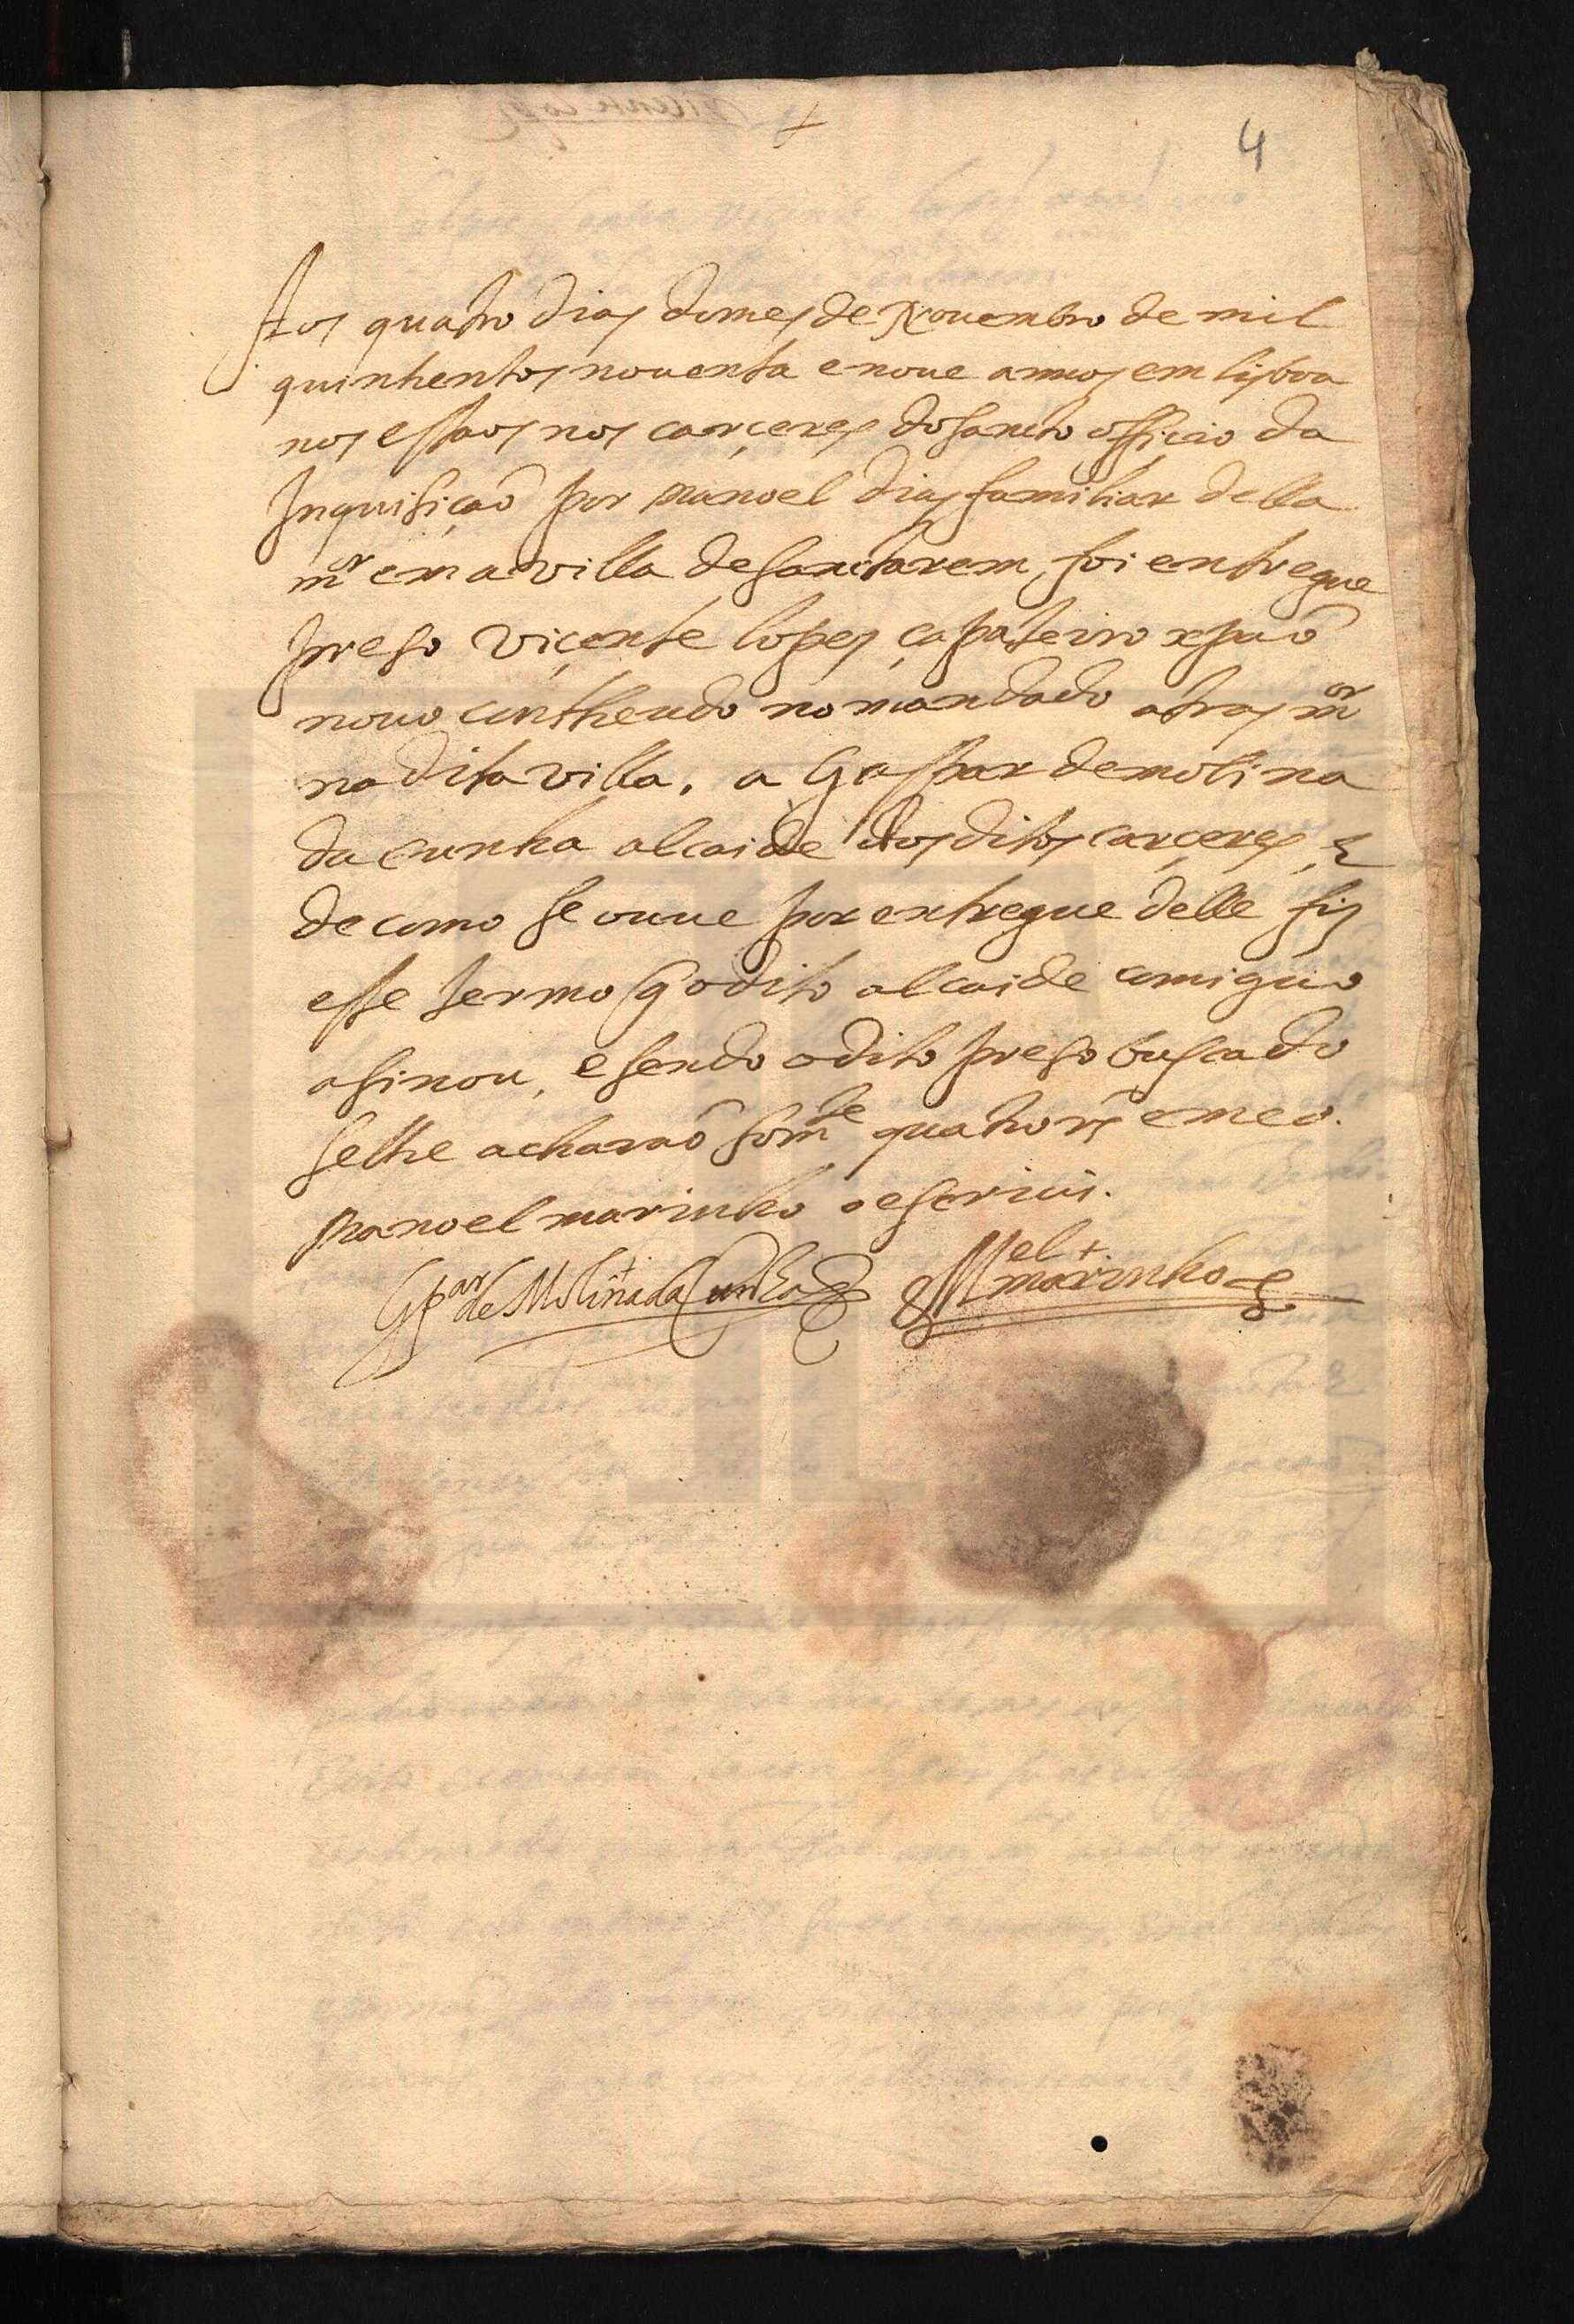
Aos quatro dias do mes de Nouembro de mil
quinhentos nouenta e noue annos em lisboa
nos estaos nos carçeres do Sancto officio da
Jnquisição por manoel dias familiar della
mor em a villa de Sanctarem foi entregue
preso vicente lopez çapateiro xpaõ
nouo contheudo no mandado atras mor
na dita villa, a Gaspar de molina
da cunha alcaide dos ditos carçeres E
de como se ouue por entregue delle fiz
este termo q̄ o dito alcaide comiguo
asinou, e sendo o dito preso buscado
se lhe acharaõ somte quatro rs̄ e meo.
Manoel marinho o escriui.
Mel marinho
Gpar de Molina da Cunha
